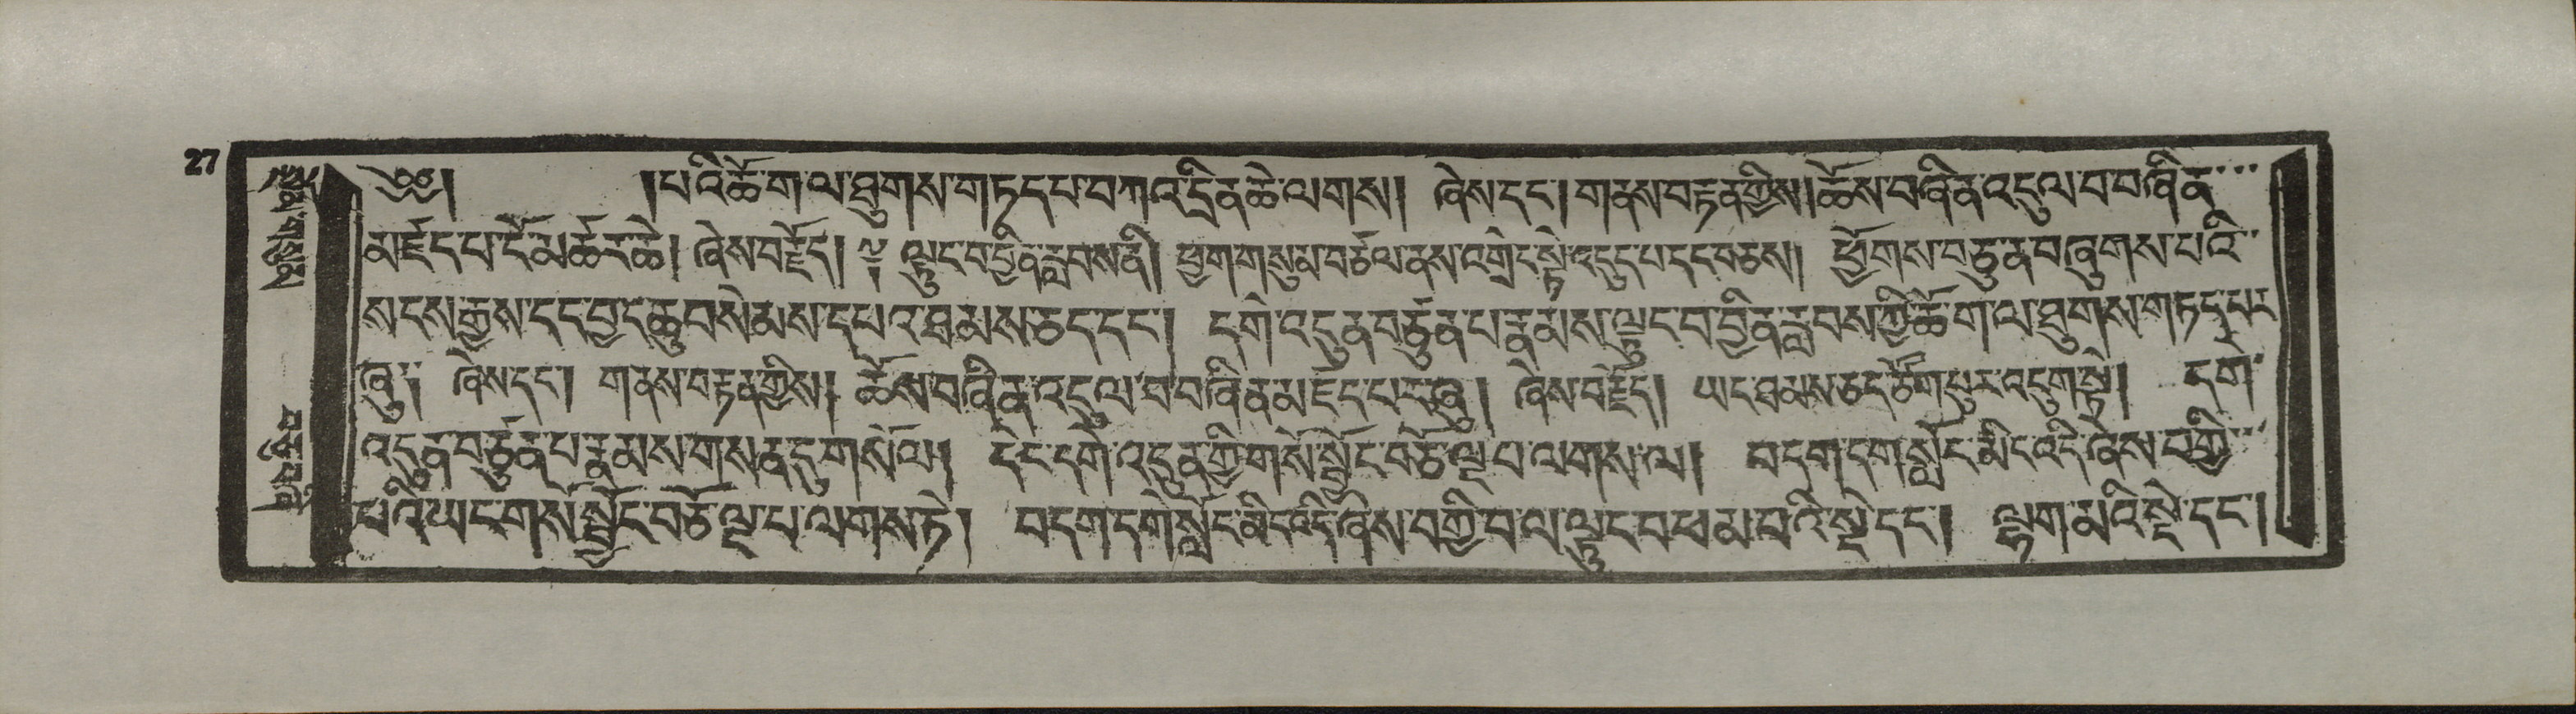༄༅། །པའི་ཆོ་ག་ལ་ཐུགས་གཏད་པ་བཀའ་དྲིན་ཆེ་ལགས། ཞེས་དང་། གནས་བརྟན་གྱིས། ཆོས་བཞིན་འདུལ་བ་བཞིན་
མཛད་པ་ངོ་མཚར་ཆེ། ཞེས་བརྗོད། ༈ ལྟུང་བ་བྱིན་རླབས་ནི། ཕྱག་གསུམ་བཙལ་ནས་འགྲེང་སྟེ་འདུད་པ་དང་བཅས།  ཕྱོགས་བཅུ་ན་བཞུགས་པའི་
སངས་རྒྱས་དང་བྱང་ཆུབ་སེམས་དཔའ་ཐམས་ཅད་དང་། དགེ་འདུན་བཙུན་པ་རྣམས་ལྟུང་བ་བྱིན་རླབས་ཀྱི་ཆོ་ག་ལ་ཐུགས་གཏད་པར་
ཞུ༑ ཞེས་དང་། གནས་བརྟན་གྱིས།  ཆོས་བཞིན་འདུལ་བ་བཞིན་མཛད་པར་ཞུ། ཞེས་བརྗོད། ཡང་ཐམས་ཅད་ཙོག་པུར་འདུག་སྟེ།  དགེ་
འདུན་བཙུན་པ་རྣམས་གསན་དུ་གསོལ། དེང་དགེ་འདུན་གྱི་གསོ་སྦྱོང་བཅོ་ལྔ་པ་ལགས་ལ། བདག་དགེ་སློང་མིང་འདི་ཞེས་བགྱི་
པའི་ཡང་གསོ་སྦྱོང་བཅོ་ལྔ་པ་ལགས་ཏེ། བདག་དགེ་སློང་མིང་འདི་ཞེས་བགྱི་བ་ལ་ལྟུང་བ་ཕམ་པའི་སྡེ་དང་། ལྷག་མའི་སྡེ་དང་།